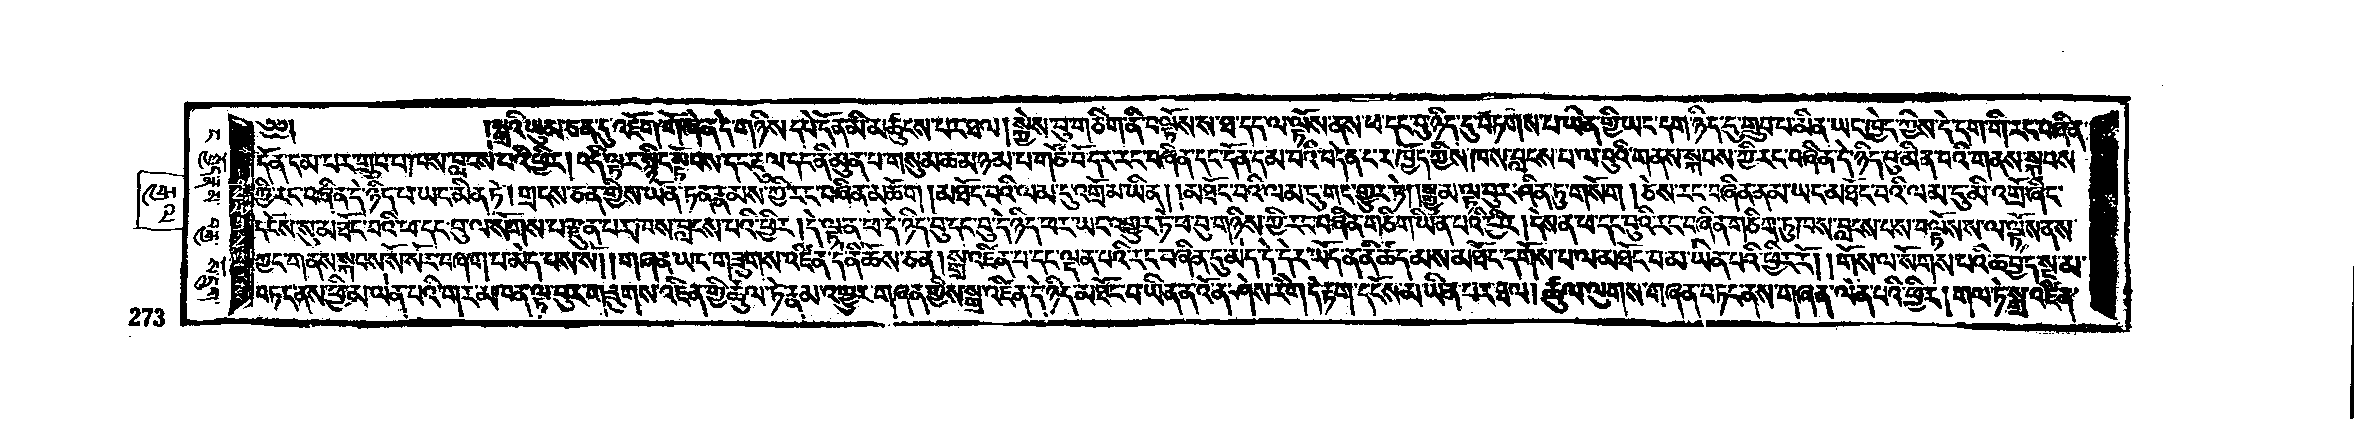༄༅། །སྒྲའི་ཡུམ་ཅན་དུ་འཇོག་གོ་ཞེ་ན་དེ་གཉིས་དཔེ་དོན་མི་མཚུངས་པར་ཐལ། སྐྱེས་བུ་གཅིག་ནི་བལྟོས་ས་ཐ་དད་ལ་ལྟོས་ནས་ཕ་དང་བུ་ཉིད་དུ་བཏགས་པ་ཡིན་གྱི་ཡང་དག་ཉིད་དུ་གྲུབ་པ་མིན་ཡན་ཁྱེད་ཀྱིས་དེ་དག་གི་རང་བཞིན་
དོན་དམ་པར་གྲུབ་པ་ཁས་བླངས་པའི་ཕྱིར། འདི་ལྟར་སྙིང་སྟོབས་དང་རྡུལ་དང་ནི་མུན་པ་གསུམ་ཆ་མཉམ་པ་གཙོ་བོ་དར་རང་བཞིན་དན་དོན་དམ་པའི་བདེན་པར་ཁྱོད་ཀྱི་ཁས་བླངས་པ་ལ་བུའི་གནས་སྐབས་ཀྱི་རང་བཞིན་དེ་ཉིད་བུ་མིན་པའི་གནས་སྐབས་
ཀྱི་རང་བཞིན་དེ་ཉིད་པ་ཡང་མིན་ཏེ། གྲངས་ཅན་གྱིས་ཡོན་ཏན་རྣམས་ཀྱི་རང་བཞིན་མཆོག །མཐོང་བའི་ལམ་དུ་འགྲོ་མ་ཡིན། །མཐོང་བའི་ལམ་དུ་གང་གྱུར་ཏེ། སྒྱུར་མ་ལྟ་བུར་ཤིན་ཏུ་གསོག །ཅེས་རང་བཞིན་ནམ་ཡང་མཐོང་བའི་ལམ་དུ་མི་འགྲོ་ཞིན་
དངོས་སུ་མཐོང་བའི་ཕ་དང་བུ་ལ་སོགས་པ་རྫུན་པར་ཁས་བླངས་པའི་ཕྱིར། དེ་ལྟ་ན་ཕ་དེ་ཉིད་བུ་དག་བུ་དེ་ཉིད་ཕར་ཡང་འགྱུར་ཏེ་ཕ་བུ་གཉིས་ཀྱི་རང་བཞིན་གཅིག་ཡིན་པའི་ཕྱིར། དེས་ན་ཕ་དང་བུའི་རང་བཞིན་གཅིག་ཏུ་ཁས་བླངས་པས་བལྟོས་ས་ལ་ལྟོས་ནས་
ཀྱང་གནས་སྐབས་སོ་སོར་བཞག་པ་མེད་པས་སོ། །གཞན་ཡང་གཟུགས་འཛིན་དེ་ནི་ཆོས་ཅན། སྒྲ་འཛིན་པ་དང་ལྡན་པའི་རང་བཞིན་དུ་མེད་དེ་དེར་ཡོད་ན་ནི་ཚད་མས་མཐོན་དགོས་པ་ལ་མཐོན་བ་མ་ཡིན་པའི་ཕྱིར་རོ། །གོས་ལ་སོགས་པའི་ཆ་བྱེད་སྔ་མ་
བཏང་ནས་ཕྱི་མ་ལེན་པའི་གར་མཁན་ལྟ་བུར་གཟུགས་འཛིན་གྱི་ཚུལ་ཏེ་རྣམ་འགྱུར་གཞན་གྱི་སྒྲ་འཛིན་དེ་ཉིད་མཐོང་བ་ཡིན་ན་འོ་ན་ཤེས་རིག་དེ་རྟག་དངོས་མ་ཡིན་པར་ཐལ། ཚུལ་ལུགས་གཞན་བཏང་ནས་གཞན་ལེན་པའི་ཕྱིར། གལ་ཏེ་སྒྲ་འཛིན་